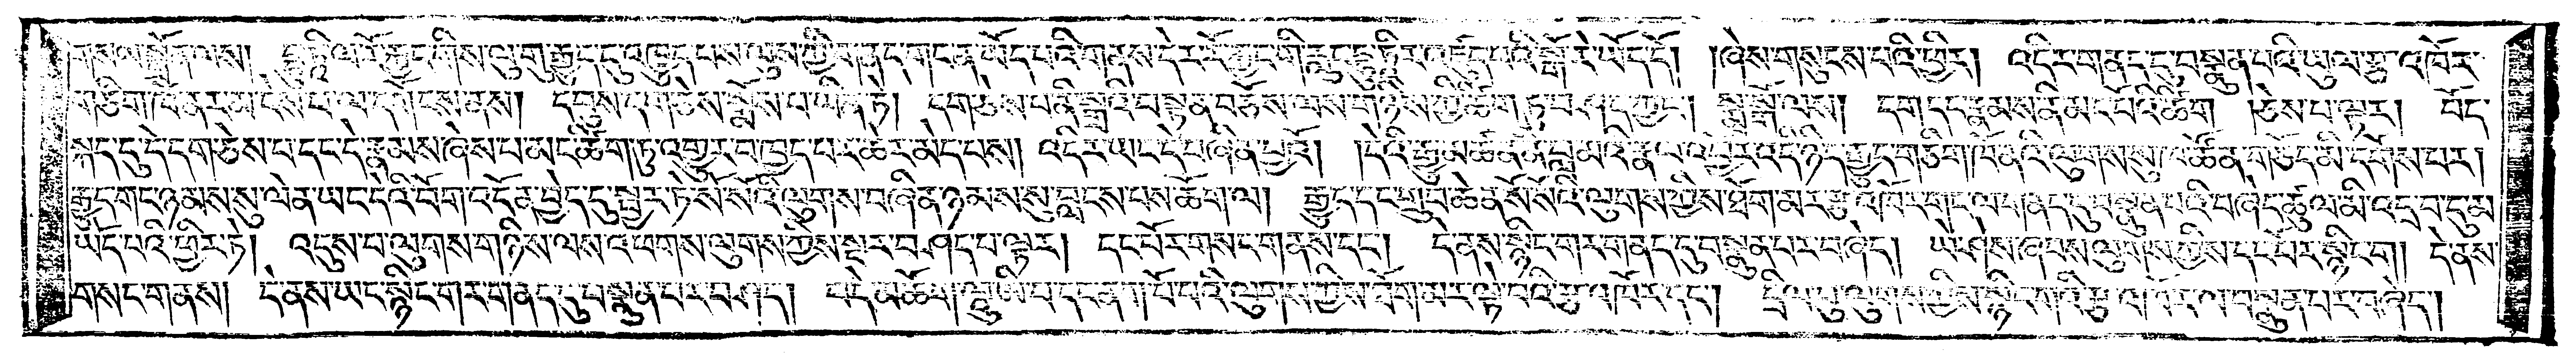གསལ་སྒྲོན་ལས། དྷཱུ་ཏཱི་ལ་རོ་རྐྱང་གིས་ལུ་གུ་རྒྱུད་དུ་འཁྱུད་པས་ལུས་ཀྱི་གནད་གང་ན་ཡོད་པའི་གནས་དེར་རོ་རྐྱང་གི་རླུང་དྷུ་ཏཱིར་འཛུད་པའི་སྒོ་རེ་ཡོད་དོ། །ཞེས་གསུངས་པའི་ཕྱིར། འདིར་གནད་དུ་བསྣུན་པའི་ཡུལ་རྩ་འཁོར་
གཅིག་ཁོ་ནར་མ་ངེས་པ་ལ་དགོངས་ནས། དབུས་དག་ཅེས་སྨོས་པ་ཡིན་ཏེ། དག་ཅེས་པ་ནི་སྒྲའི་བསྟན་བཅོས་ལས་གཉིས་ཀྱི་ཚིག་ཏུ་བཤད་ཀྱང་། སྨྲ་སྒོ་ལས། དག་དང་རྣམས་ནི་མང་པོའི་ཚིག །ཅེས་པ་ལྟར། བོད་
སྐད་དུ་དེ་དག་ཅེས་པ་དང་དེ་རྣམས་ཞེས་པ་མང་ཚིག་ཏུ་འགྱུར་བ་ཁྱད་པར་ཆེར་མེད་པས། འདིར་ཡང་དེ་བཞིན་བྱའོ། །དེའི་རྒྱུ་མཚན་ནི་བླ་མའི་རྣལ་འབྱོར་འདི་ཉིད་རྒྱུད་གཅིག་ཁོ་ནའི་ལུགས་སུ་ཁ་ཚོན་གཅོད་མི་དགོས་པར།
རྒྱུད་གང་ཉམས་སུ་ལེན་ཡང་དེའི་བོག་འདོན་བྱེད་དུ་སྦྱར་ཏེ་སོ་སོའི་ལུགས་བཞིན་ཉམས་སུ་བླངས་པས་ཆོག་ལ། རྒྱུད་དང་གྲུབ་ཆེན་སོ་སོའི་ལུགས་ཀྱིས་ཐོག་མར་རྩ་འཁོར་གང་ལ་གནད་དུ་བསྣུན་པའི་བཞེད་ཚུལ་མི་འདྲ་བ་དུ་མ་
ཡོད་པའི་ཕྱིར་ཏེ། འདུས་པ་ལུགས་གཉིས་ལས་འཕགས་ལུགས་ཀྱིས་སྔར་བཤད་པ་ལྟར། དང་པོར་གསང་གནས་དང་། དེ་ནས་སྙིང་གར་གནད་དུ་བསྣུན་པར་བཞེད། ཡེ་ཤེས་ཞབས་ལུགས་ཀྱིས་དང་པོར་སྙིང་ག། དེ་ནས་
གསང་གནས། དེ་ནས་ཡང་སྙིང་གར་གནད་དུ་བསྣུན་པར་བཤད། བདེ་མཆོག་ལཱུ་ཨི་བ་དང་ནག་བོ་པའི་ལུགས་ཀྱིས་ཐོག་མར་ལྟེ་བའི་རྩ་འཁོར་དང་། དྲིལ་བུ་ལུགས་ཀྱིས་སྙིང་གའི་རྩ་འཁོར་ལ་བསྣུན་པར་བཞེད།